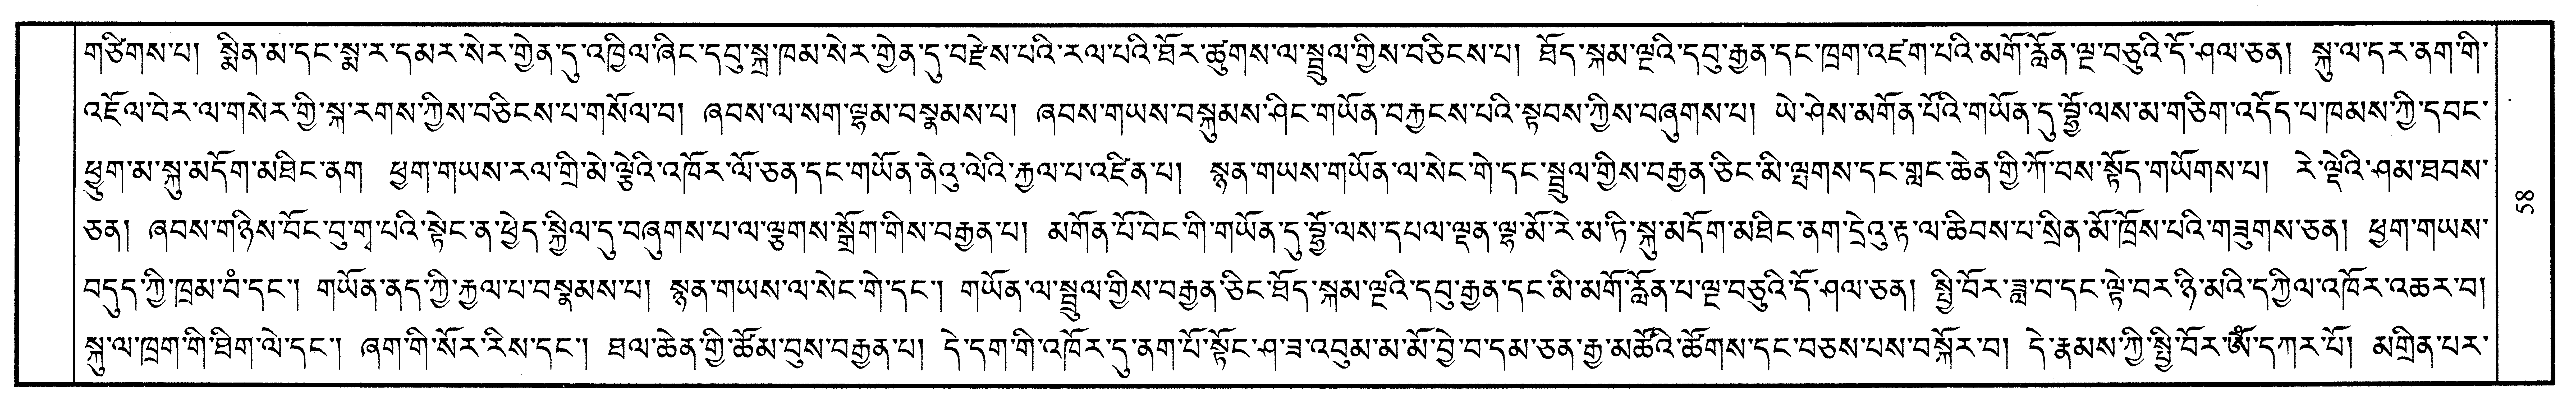གཙིགས་པ། སྨིན་མ་དང་སྨ་ར་དམར་སེར་གྱེན་དུ་འཁྱིལ་ཞིང་དབུ་སྐྲ་ཁམ་སེར་གྱེན་དུ་བརྫེས་པའི་རལ་པའི་ཐོར་ཚུགས་ལ་སྦྲུལ་གྱིས་བཅིངས་པ། ཐོད་སྐམ་ལྔའི་དབུ་རྒྱན་དང་ཁྲག་འཛག་པའི་མགོ་རློན་ལྔ་བཅུའི་དོ་ཤལ་ཅན། སྐུ་ལ་དར་ནག་གི་
འཇོལ་བེར་ལ་གསེར་གྱི་སྐ་རགས་ཀྱིས་བཅིངས་པ་གསོལ་བ། ཞབས་ལ་སག་ལྷམ་བསྣམས་པ། ཞབས་གཡས་བསྐུམས་ཤིང་གཡོན་བརྐྱངས་པའི་སྟབས་ཀྱིས་བཞུགས་པ། ཡེ་ཤེས་མགོན་པོའི་གཡོན་དུ་བྷྱོ་ལས་མ་གཅིག་འདོད་པ་ཁམས་ཀྱི་དབང་
ཕྱུག་མ་སྐུ་མདོག་མཐིང་ནག་ཕྱག་གཡས་རལ་གྲི་མེ་ལྕེའི་འཁོར་ལོ་ཅན་དང་གཡོན་ནེའུ་ལེའི་རྐྱལ་པ་འཛིན་པ། སྙན་གཡས་གཡོན་ལ་སེང་གེ་དང་སྦྲུལ་གྱིས་བརྒྱན་ཅིང་མི་ལྤགས་དང་གླང་ཆེན་གྱི་ཀོ་བས་སྟོད་གཡོགས་པ། རེ་ལྡེའི་ཤམ་ཐབས་
ཅན། ཞབས་གཉིས་བོང་བུ་གྭ་པའི་སྟེང་ན་ཕྱེད་སྐྱིལ་དུ་བཞུགས་པ་ལ་ལྕགས་སྒྲོག་གིས་བརྒྱན་པ། མགོན་པོ་བེང་གི་གཡོན་དུ་བྷྱོ་ལས་དཔལ་ལྡན་ལྷ་མོ་རེ་མ་ཏི་སྐུ་མདོག་མཐིང་ནག་དྲེའུ་རྟ་ལ་ཆིབས་པ་སྲིན་མོ་ཁྲོས་པའི་གཟུགས་ཅན། ཕྱག་གཡས་
བདུད་ཀྱི་ཁྲམ་བཾ་དང་། གཡོན་ནད་ཀྱི་རྐྱལ་པ་བསྣམས་པ། སྙན་གཡས་ལ་སེང་གེ་དང་། གཡོན་ལ་སྦྲུལ་གྱིས་བརྒྱན་ཅིང་ཐོད་སྐམ་ལྔའི་དབུ་རྒྱན་དང་མི་མགོ་རློན་པ་ལྔ་བཅུའི་དོ་ཤལ་ཅན། སྤྱི་བོར་ཟླ་བ་དང་ལྟེ་བར་ཉི་མའི་དཀྱིལ་འཁོར་འཆར་བ།
སྐུ་ལ་ཁྲག་གི་ཐིག་ལེ་དང་། ཞག་གི་སོར་རིས་དང་། ཐལ་ཆེན་གྱི་ཚོམ་བུས་བརྒྱན་པ། དེ་དག་གི་འཁོར་དུ་ནག་པོ་སྟོང་ཤ་ཟ་འབུམ་མ་མོ་བྱེ་བ་དམ་ཅན་རྒྱ་མཚོའི་ཚོགས་དང་བཅས་པས་བསྐོར་བ། དེ་རྣམས་ཀྱི་སྤྱི་བོར་ཨོཾ་དཀར་པོ། མགྲིན་པར་